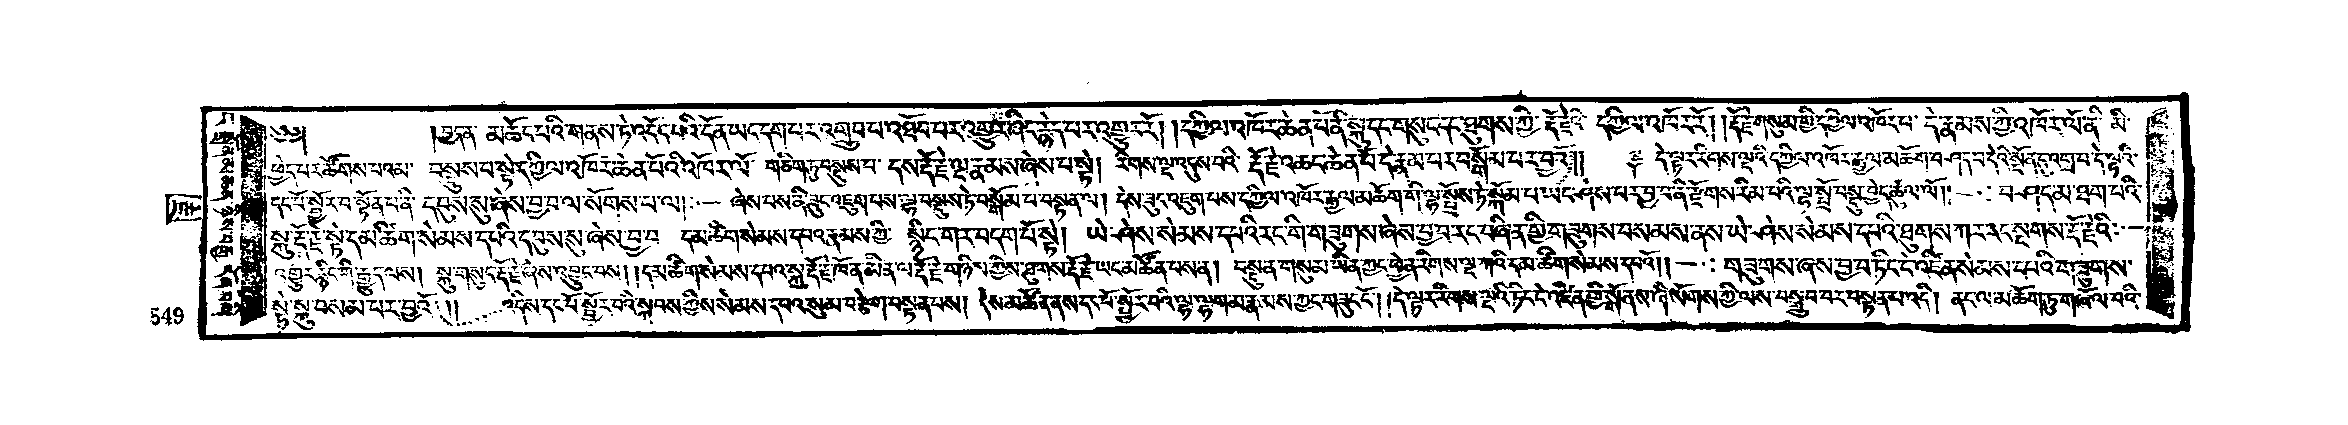༄༅། །བྱེད་ན་མཆོད་པའི་གནས་ཏེ་འདོད་པའི་དོན་ཡང་དག་པར་འགྲུབ་པ་འཐོབ་པར་འགྱུར་ཞིང་རྙེད་པར་འགྱུར་རོ། །དཀྱིལ་འཁོར་ཆེན་པོ་ནི་སྐུ་དང་གསུང་དང་ཐུགས་ཀྱི་རྡོ་རྗེའི་དཀྱིལ་འཁོར་རོ། །རྡོ་རྗེ་གསུམ་གྱི་དཀྱིལ་འཁོར་པ་དེ་རྣམས་ཀྱི་འཁོར་ལོ་ནི་མི་
ཕྱེད་པར་ཚོགས་པའམ་བསྡུས་པ་སྟེ་དཀྱིལ་འཁོར་ཆེན་པོའི་འཁོར་ལོ་གཅིག་ཏུ་བསྡུས་པ་དེས་རྡོ་རྗེ་ལྔ་རྣམས་ཞེས་པ་སྟེ། རིགས་ལྔ་འདུས་པའི་རྡོ་རྗེ་འཆང་ཆེན་པོ་དེ་རྣམ་པར་བསྒོམ་པར་བྱའོ།། ༈ དེ་ལྟར་རིགས་ལྔའི་དཀྱིལ་འཁོར་རྒྱལ་མཆོག་བཤད་པ་དེའི་སྔོན་དུ་འགྲོ་བ་དེ་ལྔའི་
དང་པོ་སྦྱོར་བ་སྟོན་པ་ནི་དབུས་སུ་ཞེས་བྱ་བ་ལ་སོགས་པ་ལ།H.་ཞེས་པས་ནི་ཟུང་འཇུག་པས་ལྷ་བསྡུས་ཏེ་བསྒོམ་པ་བསྟན་ལ། དེས་ཟུང་འཇུག་པས་དཀྱིལ་འཁོར་རྒྱལ་མཆོག་གི་ལྷ་སྤྲོས་ཏེ་སྒོམ་པ་ཡང་ཤེས་པར་བྱ་བ་ནི་རྫོགས་རིམ་པའི་ལྷ་སྤྲོ་བསྡུ་བྱེད་ཚུལ་ལོ།།  .Hབཤད་མ་ཐག་པའི་
སྐུ་རྡོ་རྗེ་སྟེ་དམ་ཚིག་སེམས་དཔའི་དབུས་སུ་ཞེས་བྱ་བ་དམ་ཚིག་སེམས་དཔའ་རྣམས་ཀྱི་སྙིང་གར་བདག་པོ་སྟེ། ཡེ་ཤེས་སེམས་དཔའི་རང་གི་གཟུགས་ཞེས་བྱ་བ་རང་བཞིན་གྱི་གཟུགས་བསམས་ནས་ཡེ་ཤེས་སེམས་དཔའི་ཐུགས་ཀར་རང་སྔགས་རྡོ་རྗེའིཿ
འགྱུར་རྙིང་གི་རྒྱུད་ལས། སྐུ་གསུང་རྡོ་རྗེ་ཞེས་འབྱུང་བས། །དམ་ཚིག་སེམས་དཔའ་སྐུ་རྡོ་རྗེ་ཁོ་ན་མིན་ལ་རྡོ་རྗེ་གཉིས་ཀྱིས་ཐུགས་རྡོ་རྗེ་ཡང་མཚོན་པས་ན། བསྡུ་ན་གསུམ་ཡིན་ཀྱང་ཕྱེ་ན་རིགས་ལྔ་ཀའི་དམ་ཚིག་སེམས་དཔའོ། །  .Hགཟུགས་ཞེས་བྱ་བ་ཏིང་ངེ་འཛིན་སེམས་དཔའི་གཟུགས་
སྟེ་སྐུ་བསམ་པར་བྱའོ། ། འདིས་དང་པོ་སྦྱོར་བའི་སྐབས་ཀྱིས་སེམས་དཔའ་སུམ་བརྩེག་བསྟན་པས། དེས་མཚོན་ནས་དང་པོ་སྦྱོར་བའི་ལྷ་ལྷག་མ་རྣམས་ཀྱང་གཟུང་ངོ། །དེ་ལྟར་རིགས་ལྔའི་ཏིང་ངེ་འཛིན་གྱི་སྒོ་ནས་ཞི་སོགས་ཀྱི་ལས་བསྒྲུབ་པར་བསྟན་པ་འདི། ནང་ལ་མཆོག་ཏུ་གཞོལ་བའི་